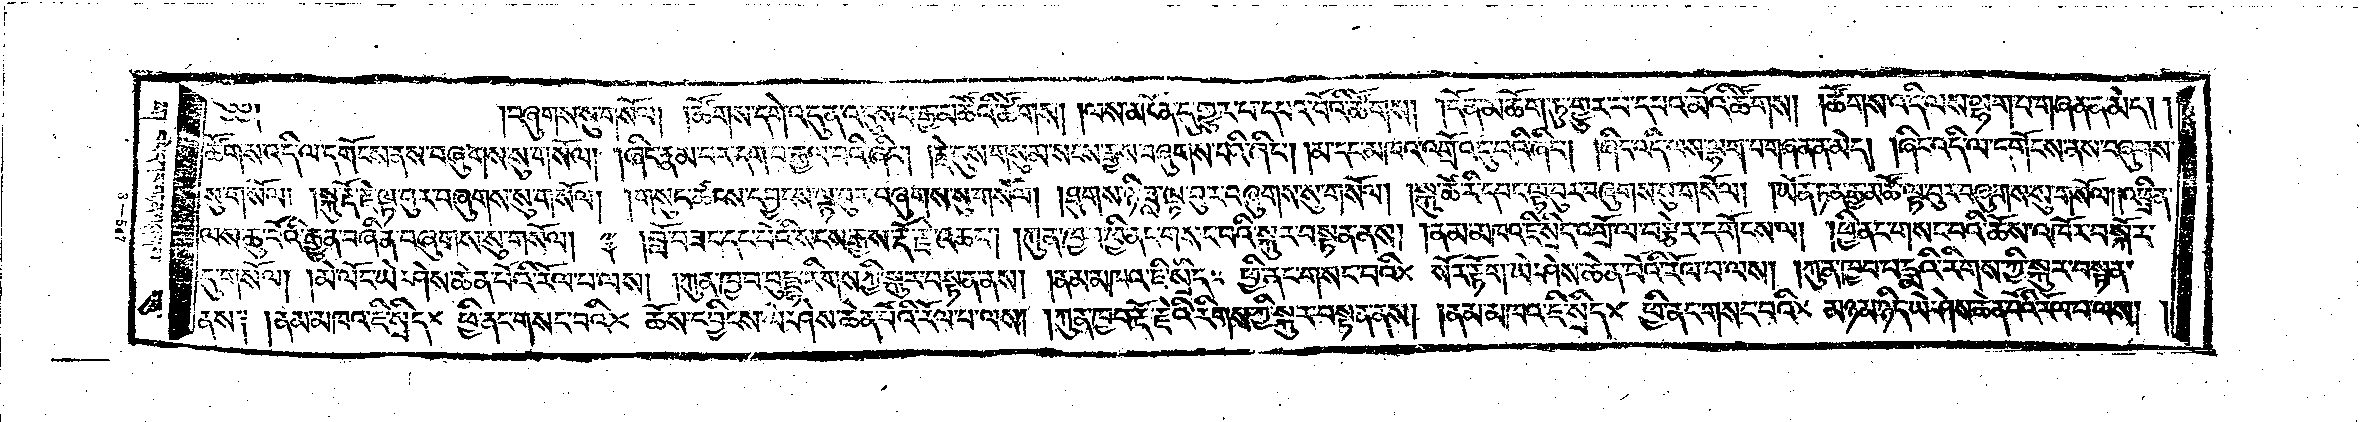༄༅། །བཞུགས་སུ་གསོལ། །ཚོགས་དགེ་འདུན་འདུས་པ་རྒྱ་མཚོའི་ཚོགས། །ལས་མངོན་དུ་གྱུར་པ་དཔའ་བོའི་ཚོགས། །དོན་མཆོག་ཏུ་གྱུར་པ་དཔའ་མོའི་ཚོགས། །ཚོགས་འདི་ལས་ལྷག་པ་གཞན་ན་མེད།།
ཚོགས་འདི་ལ་དགོངས་ནས་བཞུགས་སུ་གསོལ། །ཞིང་རྣམ་པར་དག་པ་རྒྱལ་བའི་ཞིང་། །རྗེ་དུས་གསུམ་སངས་རྒྱས་བཞུགས་པའི་ཞིང་། །མ་དང་མཁའ་འགྲོ་འདུ་བའི་ཞིང་། །ཞིང་འདི་ལས་ལྷག་པ་གཞན་ན་མེད། །ཞིང་འདི་ལ་དགོངས་ནས་བཞུགས་
སུ་གསོལ། །སྐུ་རྡོ་རྗེ་ལྟ་བུར་བཞུགས་སུ་གསོལ། །གསུང་ཚངས་དབྱངས་ལྟ་བུར་བཞུགས་སུ་གསོལ། །ཐུགས་ཉི་ཟླ་ལྟ་བུར་བཞུགས་སུ་གསོལ། །སྐུ་ཚེ་རི་དབང་ལྟ་བུར་བཞུགས་སུ་གསོལ། །ཡོན་ཏན་རྒྱ་མཚོ་ལྟ་བུར་བཞུགས་སུ་གསོལ། །འཕྲིན་
ལས་ཆུ་བོའི་རྒྱུན་བཞིན་བཞུགས་སུ་གསོལ། ༈ །བློ་བཟང་དང་པོའི་སངས་རྒྱས་རྡོ་རྗེ་འཆང་། །ཀུན་ཁྱབ་ཕྱི་ནང་གསང་བའི་སྐུར་བསྟན་ནས། །ནམ་མཁའ་ཇི་སྲིད་འགྲོ་ལ་བརྩེར་དགོངས་ལ། །ཕྱི་ནང་གསང་བའི་ཆོས་འཁོར་བསྐོར་
དུ་གསོལ། །མེ་ལོང་ཡེ་ཤེས་ཆེན་པོའི་རོལ་པ་ལས། །ཀུན་ཁྱབ་བུདྡྷ་རིགས་ཀྱི་སྐུར་བསྟན་ནས། །ནམ་མཁའ་ཇི་སྲིད་྾་ཕྱི་ནང་གསང་བའི་྾་སོར་རྟོག་ཡེ་ཤེས་ཆེན་པོའི་རོལ་པ་ལས། །ཀུན་ཁྱབ་པདམའི་རིགས་ཀྱི་སྐུར་བསྟན་
ནས༑ །ནམ་མཁའ་ཇི་སྲིད་྾་ཕྱི་ནང་གསང་བའི་྾་ཆོས་དབྱིངས་ཡེ་ཤེས་ཆེན་པོའི་རོལ་པ་ལས། །ཀུན་ཁྱབ་རྡོ་རྗེའི་རིགས་ཀྱི་སྐུར་བསྟན་ནས། །ནམ་མཁའ་ཇི་སྲིད་྾་ཕྱི་ནང་གསང་བའི་྾་མཉམ་ཉིད་ཡེ་ཤེས་ཆེན་པོའི་རོལ་བ་ལས། །